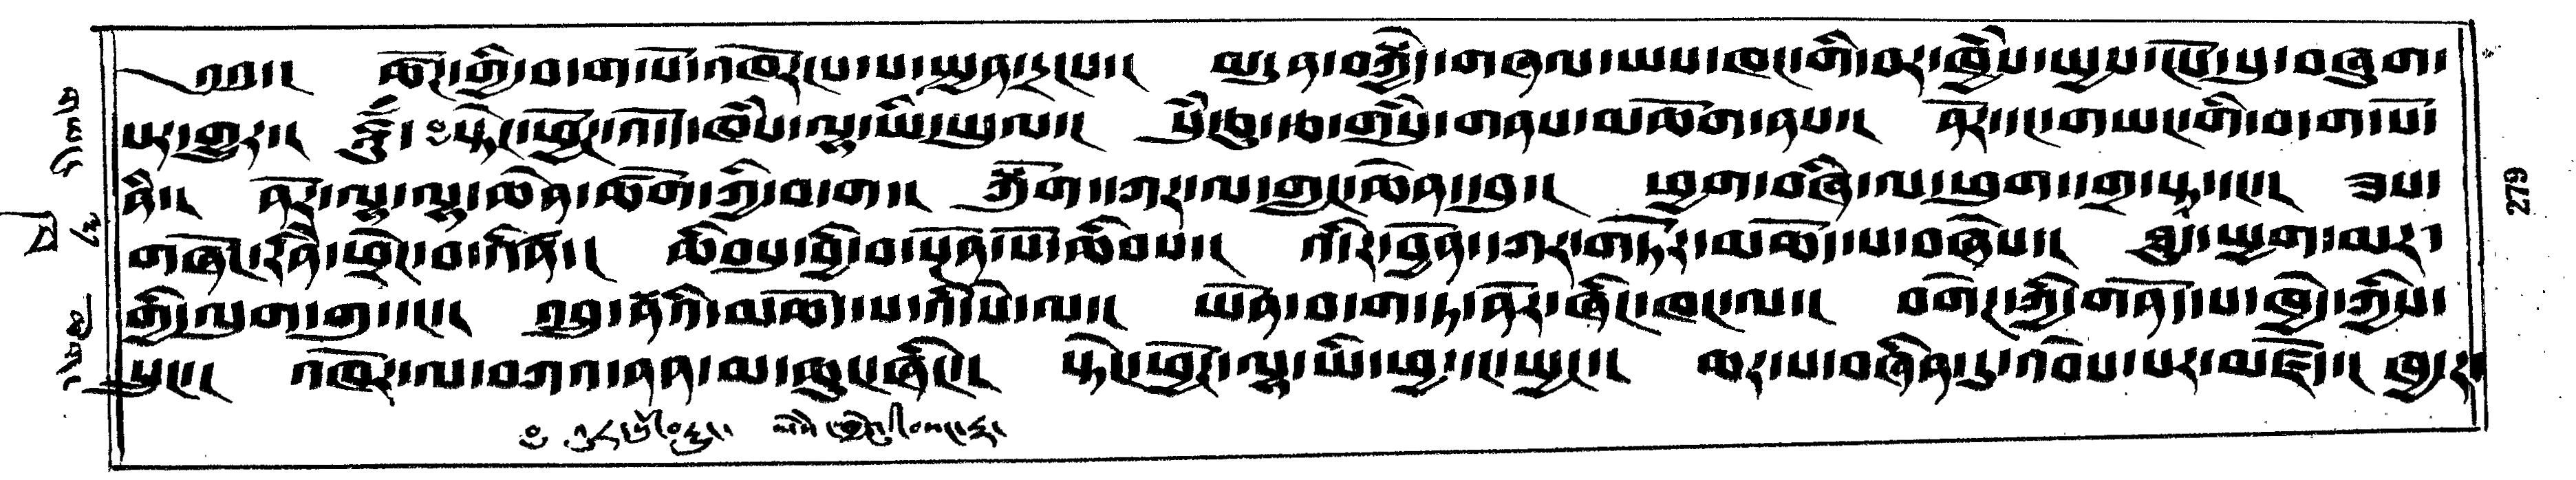ཚོགས་ཀྱི་བདག་པོ་འཁོར་དང་བཅས་པ་སྤྱན་དྲངས། མདུན་བསྐྱེད་གཞལ་ཡས་ཁང་གི་བར་ཁྱམས་གཡས་ངོས་སུ་བཞུགས་
པར་གྱུར། ཧཱུྃ། སྟེང་ཕྱོགས་འདོད་ཁམས་ལྷ་ཡི་ཡུལ། །སུམ་ཅུ་རྩ་གསུམ་གནས་མཆོག་ནས། །ནོར་དང་གཡང་གི་བདག་པོ་
ནི། །ནོར་ལྷ་ལྷ་ཆེན་ཚོགས་ཀྱི་བདག། །སྐུ་དོག་དཀར་ལ་གླང་ཆེན་དབུ། །ཕྱག་བཞི་ལ་ཕུག་དགྲ་སྟྭ་དང་། །ཟས་
གཞོང་རིན་ཆེན་ཕྲེང་བ་འཛིན། །ཆིབས་སུ་བྱི་བ་སྔོན་པོ་ཆིབས། །འདིར་བྱོན་དཀར་གཏོར་མཆོད་པ་བཞེས། །ཐུད་གཡག་མར་
གྱི་ལུག་གུ་དང་། །འབྲུ་སྣའི་མཆོད་པ་འདི་བཞེས་ལ།ཡོན་བདག་རྟ་ནོར་ཞིང་ཁང་ལ། །བགེགས་ཀྱི་གནོད་པ་ཁྱེད་ཀྱིས་
སྲུངས། །འཁོར་ལ་བཀའ་ནན་མ་ཆུང་ཞིག སྟེང་ཕྱོགས་ལྷ་ཡི་ཕྱྭ་དང་གཡང་། །ཆར་པ་བཞིན་དུ་འབེབས་པར་མཛོད། །ཁྱད་པར་